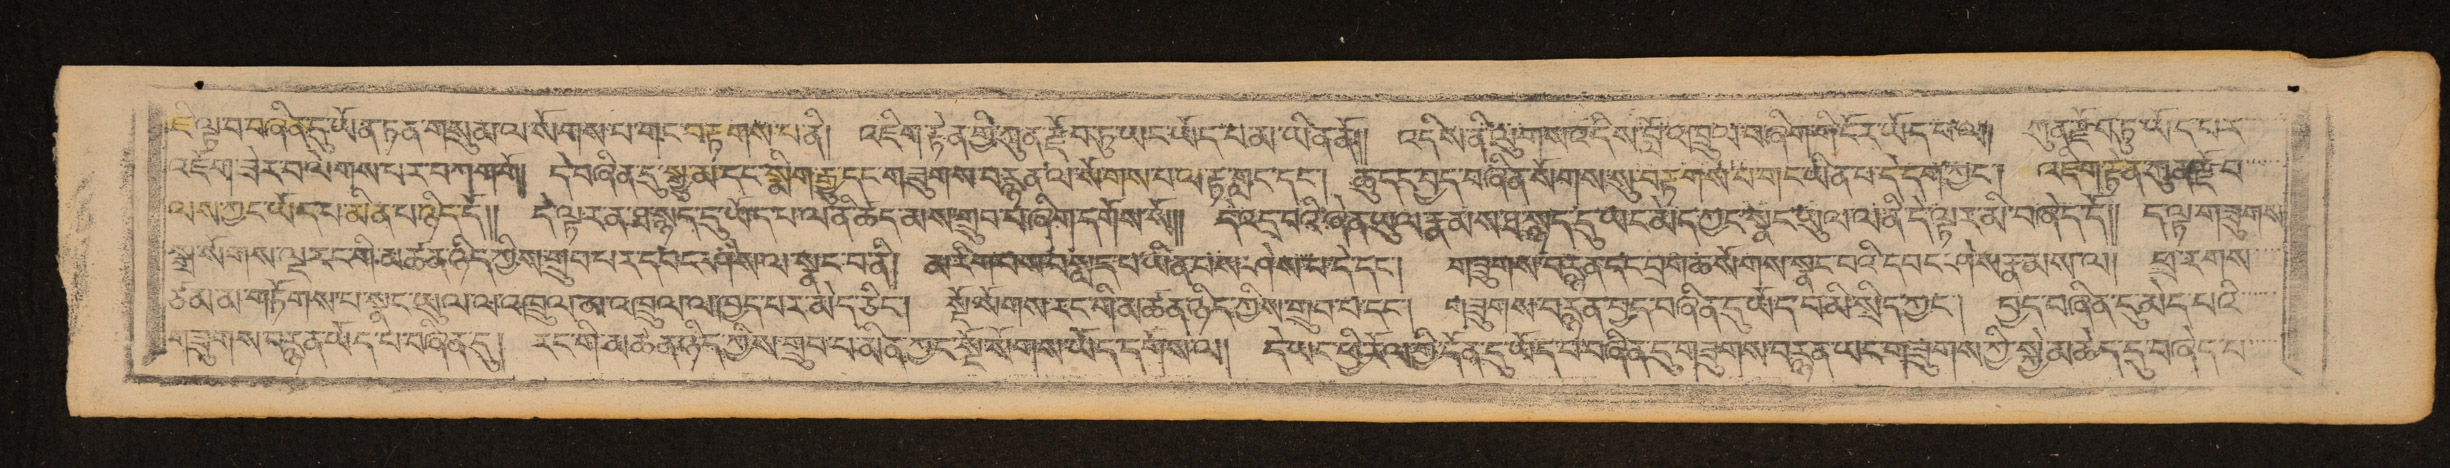ཇི་ལྟ་བ་བཞིན་དུ་ཡོན་ཏན་གསུམ་ལ་སོགས་པ་གང་བརྟགས་པ་ནི། འཇིག་རྟེན་གྱི་ཀུན་རྫོབ་ཏུ་ཡང་ཡོད་པ་མ་ཡིན་ནོ།། འདིས་ནི་ལུགས་འདིས་བློ་འཁྲུལ་པ་ཞིག་གི་ངོར་ཡོད་པ་ལ། ཀུན་རྫོབ་ཏུ་ཡོད་པར་
འཇོག་ཟེར་བ་ལེགས་པར་བཀག་གོ། དེ་བཞིན་དུ་སྒྱུ་མ་དང་སྨིག་རྒྱུ་དང་གཟུགས་བརྙན་ལ་སོགས་པ་ལ་རྟ་གླང་དང་། ཆུ་དང་བྱད་བཞིན་སོགས་སུ་བརྟགས་པ་གང་ཡིན་པ་དེ་དག་ཀྱང་། འཇིག་རྟེན་ཀུན་རྫོབ་
ལས་ཀྱང་ཡོད་པ་མིན་པ་ཉིད་དོ།། དེ་ལྟར་ན་ཐ་སྙད་དུ་ཡོད་པ་ལ་ནི་ཚད་མས་གྲུབ་པ་ཞིག་དགོས་སོ།། དེ་འདྲ་བའི་ཞེན་ཡུལ་རྣམས་ཐ་སྙད་དུ་ཡང་མེད་ཀྱང་སྣང་ཡུལ་ལ་ནི་དེ་ལྟར་མི་བཞེད་དོ།། ད་ལྟ་གཟུགས་
སྒྲ་སོགས་ལྔ་རང་གི་མཚན་ཉིད་ཀྱིས་གྲུབ་པར་དབང་ཤེས་ལ་སྣང་བ་ནི། མ་རིག་པས་བསླད་པ་ཡིན་པས་ཤེས་པ་དེ་དང་། གཟུགས་བརྙན་དང་བྲག་ཆ་སོགས་སྣང་བའི་དབང་ཤེས་རྣམས་ལ། ཕྲ་རགས་
ཙམ་མ་གཏོགས་པ་སྣང་ཡུལ་ལ་འཁྲུལ་མ་འཁྲུལ་ལ་ཁྱད་པར་མེད་ཅིང་། སྔོ་སོགས་རང་གི་མཚན་ཉིད་ཀྱིས་གྲུབ་པ་དང་། གཟུགས་བརྙན་བྱད་བཞིན་དུ་ཡོད་པ་མི་སྲིད་ཀྱང་། བྱད་བཞིན་དུ་མེད་པའི་
གཟུགས་བརྙན་ཡོད་པ་བཞིན་དུ། རང་གི་མཚན་ཉིད་ཀྱིས་གྲུབ་པ་མིན་ཀྱང་སྔོ་སོགས་ཡོད་དགོས་ལ། དེ་ཡང་ཕྱི་རོལ་གྱི་དོན་དུ་ཡོད་པ་བཞིན་དུ་གཟུགས་བརྙན་ཡང་གཟུགས་ཀྱི་སྐྱེ་མཆེད་དུ་བཞེད་པ་